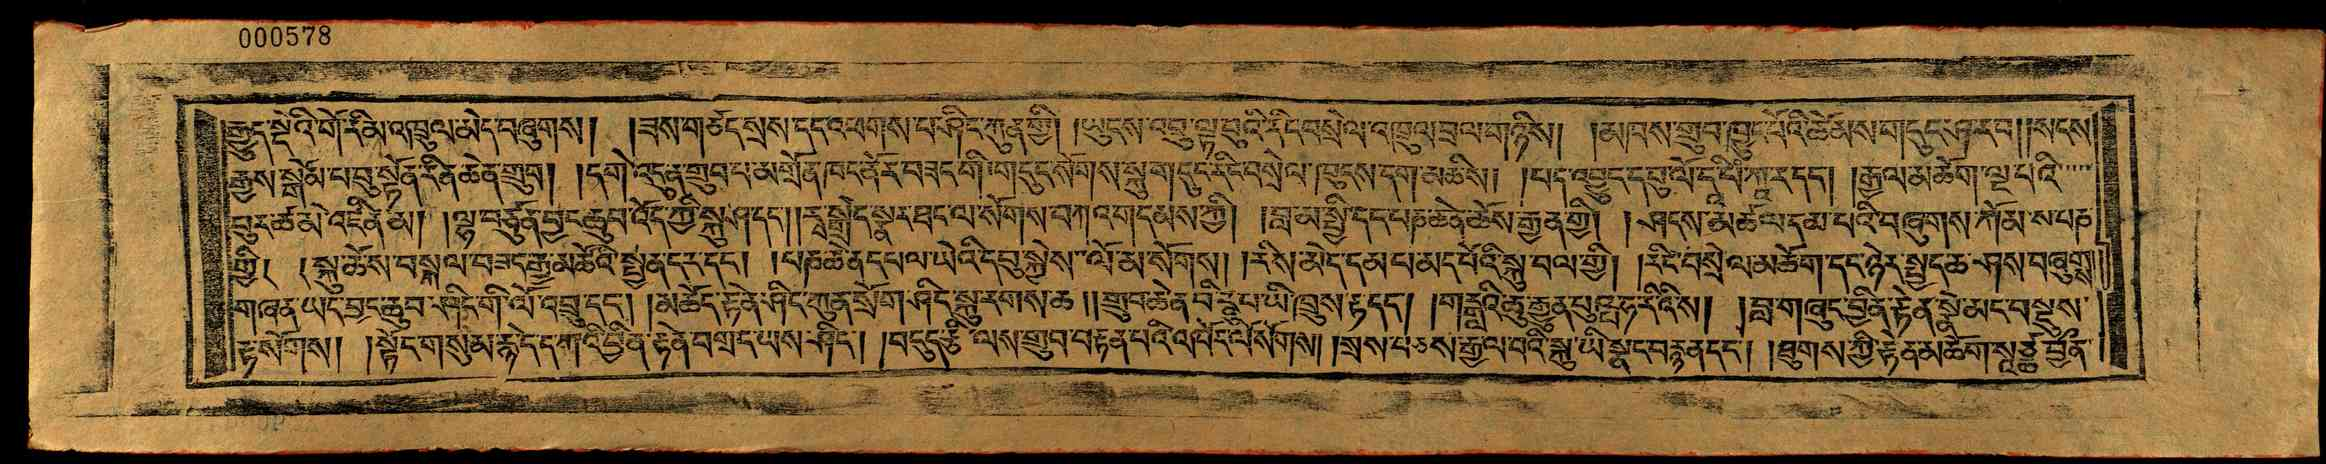རྒྱུད་སྡེའི་གོ་རིམ་འཁྲུལ་མེད་བཞུགས། །ཟས་གཙང་སྲས་དང་འཕགས་པ་ཤིང་ཀུན་གྱི། །ཡུངས་འབྲུ་ལྟ་བུའི་རིང་བསྲིལ་འཁྲུལ་བྲལ་གཉིས། །མཁས་གྲུབ་ཁྱུང་པོའི་ཚེམས་གདུང་ཤ་ར་ག །སངས་
རྒྱས་སྒོམ་པ་བུ་སྟོན་རིན་ཆེན་གྲུབ། །དགེ་འདུན་གྲུབ་པ་མགྲོན་ཁང་ནོར་བཟང་གི། །གདུང་སོགས་སྐུ་གདུང་རིང་བསྲེལ་ཁུངས་དག་མཆིས། །པད་འབྱུང་དབུ་ལོ་དཱི་པཾ་ཀཱ་ར་དང་། །རྒྱལ་མཆོག་ལྔ་པའི་
པུར་ཚ་མེ་འཛིན་པ། །ལྷ་བཙུན་བྱང་ཆུབ་འོད་ཀྱི་སྐུ་ཤ་དང་། །རྭ་སྒྲེང་སྣར་ཐང་ལ་སོགས་བཀའ་གདམས་ཀྱི། །བླ་མ་སྤྱི་དང་པཎ་ཆེན་ཆོས་རྒྱན་གྱི། །ཤངས་མཚལ་དམ་པའི་བཞུགས་ཀོམ་ས་པཎ་
གྱི༑ ༑སྐུ་ཆོས་བསྐལ་བཟང་རྒྱ་མཚོའི་སྤྱན་དར་དང་། །པཎ་ཆེན་དཔལ་ཡེའི་དབུ་སྐྱེས་་་ལོ་མ་སོགས། །རིས་མེད་དམ་པ་མང་པོའི་སྐུ་བལ་གྱི། །རིང་བསྲེལ་མཆོག་དང་ཉེར་སྤྱད་ཆ་ཤས་བཞུགས།
གཞན་ཡང་བྱང་ཆུབ་ཤིང་གི་ལོ་འབྲུ་དང་། །མཆོད་རྟེན་ཤིང་ཀུན་སྲོག་ཤིང་སྐུ་རགས་ཆ། །གྲུབ་ཆེན་བི་རཱུ་པ་ཡི་ཁྲུས་རྟ་དང་། །གངྒཱའི་ཆུ་རྒྱུན་པུཥྤ་ཧ་རིའི་ས། །བླ་གཞུང་བྱིན་རྟེན་སྣ་མང་བསྡུས་
རྟ་སོགས། །སྟོང་གསུམ་རྙེད་དཀའི་བྱིན་རྟེན་བགྲང་ཡས་ཤིང་། །བདུད་རྩི་ལས་གྲུབ་བརྟན་པའི་འཁོར་ལོ་སོགས། །སྲས་བཅས་རྒྱལ་བའི་སྐུ་ཡི་སྣང་བརྙན་དང་། །ཐུགས་ཀྱི་རྟེན་མཆོག་སཱ་ཙྪ་བྱྀན་